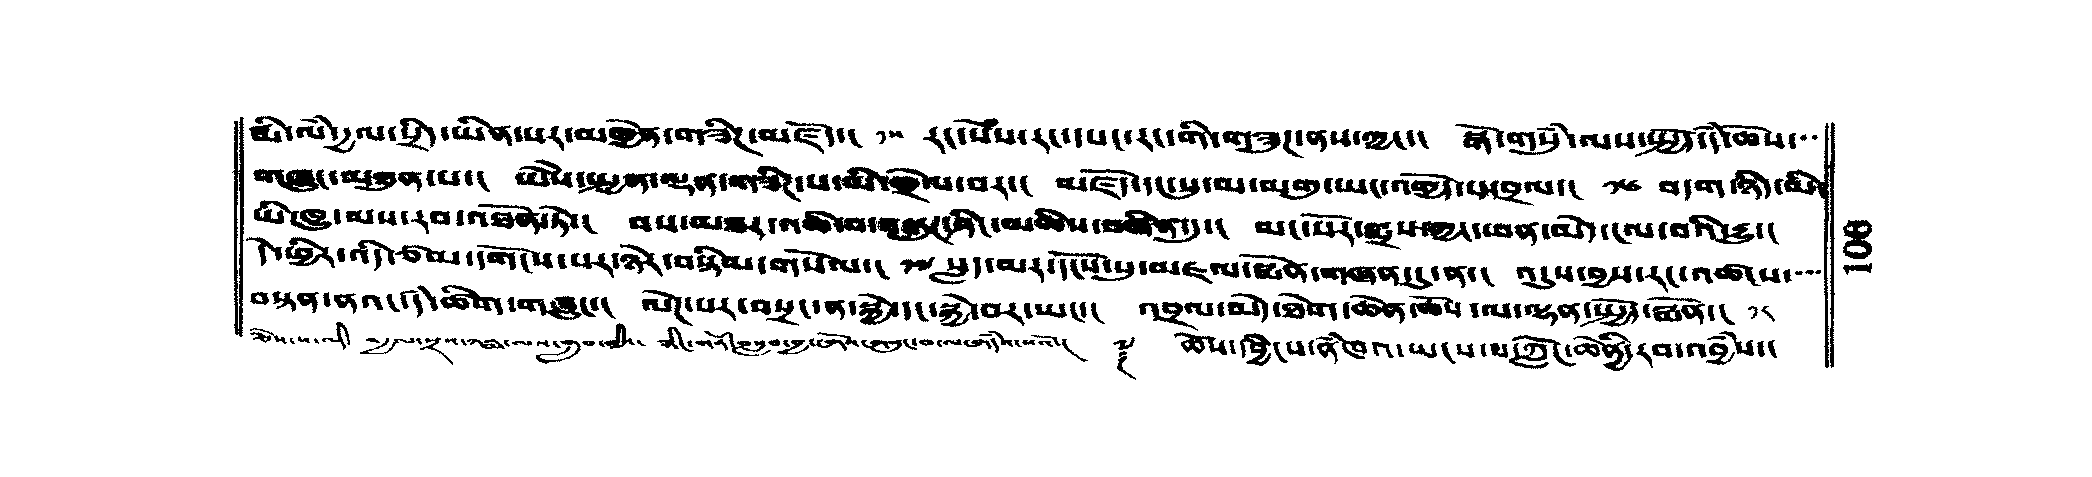རྨི་ལམ་རྒྱལ་སྲིད་ཡིན་པར་མཁྱེན་གཟིགས་མཛོད། །རང་སེམས་རང་དཔང་རང་གིས་བཟུང་ནས་ཀྱང་། །སྒོ་གསུམ་ལས་སྤྱོད་དམ་ཆོས་
གཞུང་མཐུན་པ། །ཡེ་ཤེས་སྤྱན་ལྡན་གཟིགས་པ་མི་གྲོལ་བར། །མཛོད་དང་སུ་མ་མགུ་ཡང་འགྱོད་པ་བྲལ། །བདག་ཉིད་མི་
ཡི་ཁྱུ་ལས་རབ་འཐོན་ཏེ། །བས་མཐར་འཆི་བ་བསྒུགས་ཤིང་མཆིས་བཞིན་དུ། །མང་པོར་སྨྲས་ཀྱང་ཕན་མེད་ངལ་བའི་རྒྱུ། །
དེ་ཕྱིར་འདི་ཙམ་དགོངས་པར་ཉེར་བསྟིམ་གསོལ། །སླད་མར་དངོས་སུ་མཇལ་སྨོན་གཞན་དུ་ན། །འདུས་བྱས་རང་འཚངས་
བསྟན་ནའང་དམ་ཚིག་གཞུང་། །ལེགས་པར་བསྲང་ན་སྐྱེ་དང་སྐྱེ་བར་ཡང་། །འབྲལ་མེད་ཐེག་ཆེན་ཆོས་ལ་ལྷན་སྤྱོད་སྨོན། །
ཅེས་པ་འདི་རྒྱལ་སྲས་ཀརྨ་ལས་གྲུབ་ཀྱིས་སྙིང་གཏམ་བསླབ་བྱ་དགོས་གསུངས་བ་ལ་གདམས་པའོ།། ༈ ཆོས་དབྱིངས་ནམ་མཁའ་ཡངས་པ་ཀློང་ཆེན་གྱི་རབ་འབྱམས།